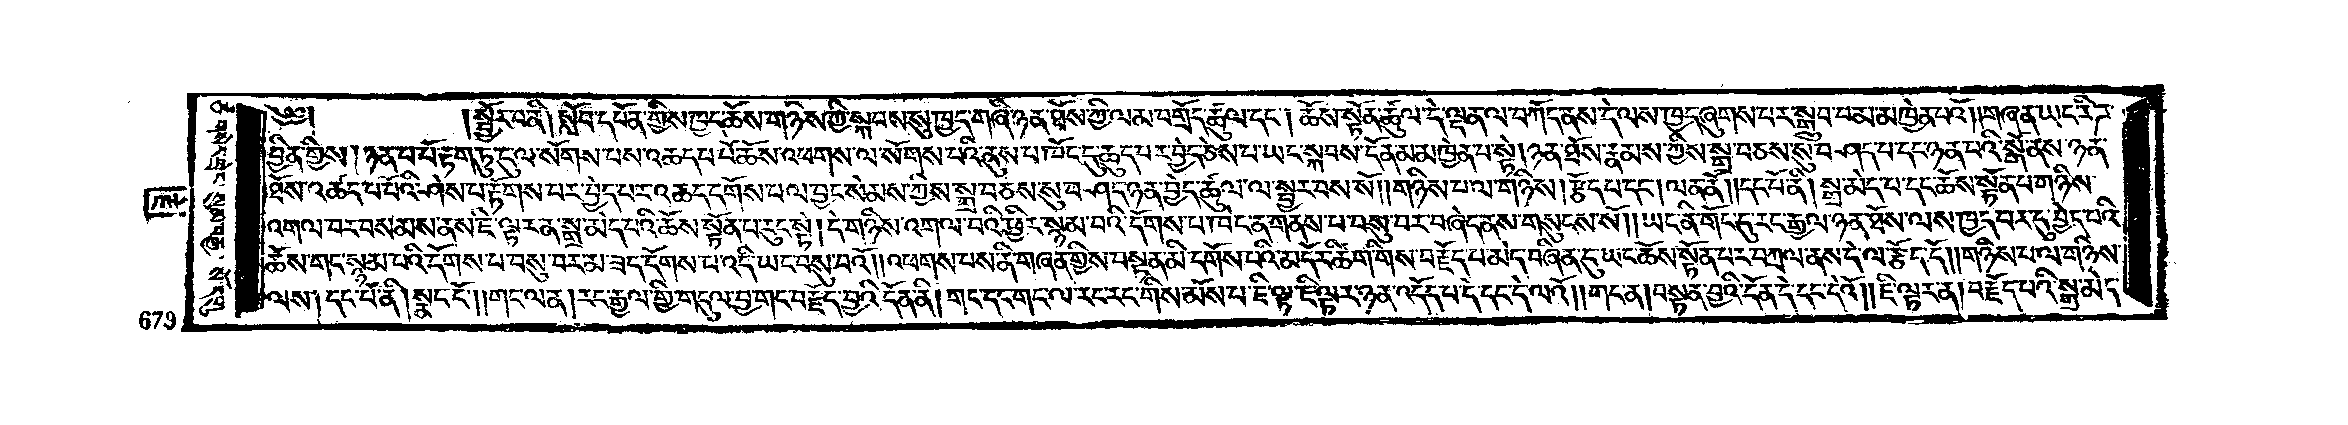༄༅། །སྦྱོར་བ་ནི། སློབ་དཔོན་གྱིས་ཁྱད་ཆོས་གཉིས་ཀྱི་སྐབས་སུ་ཁྱད་གཞི་ཉན་ཐོས་ཀྱི་ལམ་བགྲོད་ཚུལ་དང་། ཆོས་སྟོན་ཚུལ་དེ་ལྡན་ལ་བཀོད་ནས་དེ་ལས་ཁྱད་ཞུགས་པར་སྒྲུབ་པ་མ་མཁྱེན་པའོ། །གཞན་ཡང་རིགས་
བྱིན་གྱིས། ཉན་པོ་པོ་རྟག་ཏུ་དུ་ལ་སོགས་པས་འཆད་པ་པོ་ཆོས་འཕགས་ལ་སོགས་པའི་ནུས་པ་ཁོང་དུ་ཆུད་པར་བྱེད་ཅེས་པ་ཡང་སྐབས་དོན་མ་མཁྱེན་པ་སྟེ། ཉན་ཐོས་རྣམས་ཀྱིས་སྒྲ་བཅས་སུ་བཤད་པ་དང་ཉན་པའི་སྒོ་ནས་ཉན་
ཐོས་འཆད་པ་པོའི་ཤེས་པ་རྟོགས་པར་བྱེད་པར་འཆད་དགོས་པ་ལ་བྱང་སེམས་ཀྱིས་སྒྲ་བཅས་སུ་བཤད་ཉན་བྱེད་ཚུལ་ལ་སྦྱར་བས་སོ། །གཉིས་པ་ལ་གཉིས། རྩོད་པ་དང་། ལན་ནོ། །དང་པོ་ནི། སྒྲ་མེད་པ་དང་ཆོས་སྟོན་པ་གཉིས་
འགལ་བར་བསམས་ནས་ཇི་ལྟར་ན་སྒྲ་མེད་པའི་ཆོས་སྟོན་པ་རུང་སྟེ། དེ་གཉིས་འགལ་བའི་ཕྱིར་སྙམ་པའི་དོགས་པ་ཁོང་ན་གནས་པ་བསུ་བར་བཞེད་ནས་གསུངས་སོ། །ཡང་ནི་གོང་དུ་རང་རྒྱལ་ཉན་ཐོས་ལས་ཁྱད་པར་དུ་བྱེད་པའི་
ཆོས་གང་སྙམ་པའི་དོགས་པ་བསུ་བར་མ་ཟད་དོགས་པ་འདི་ཡང་བསུ་བའོ། །འཕགས་པས་ནི་གཞན་གྱིས་བསྟན་མི་དགོས་པའི་མདོར་ཚིག་གིས་བརྗོད་པ་མེད་བཞིན་དུ་ཡང་ཆོས་སྟོན་པར་བཀྲལ་ནས་དེ་ལ་རྩོད་དོ། །གཉིས་པ་ལ་གཉིས་
ལས། དང་པོ་ནི། སྣང་ངོ། །གང་ལ་ན། རང་རྒྱལ་གྱི་གདུལ་བྱ་གང་བརྗོད་བྱའི་དོན་ནི། གང་དང་གང་ལ་རང་རང་གིས་མོས་པ་ཇི་ལྟ་ཇི་ལྟར་ཉན་འདོད་པ་དེ་དང་དེ་ལའོ། །གང་ན། བསྟན་བྱའི་དོན་དེ་དང་དེའོ། །ཇི་ལྟར་ན། བརྗོད་པའི་སྒྲ་མེད་